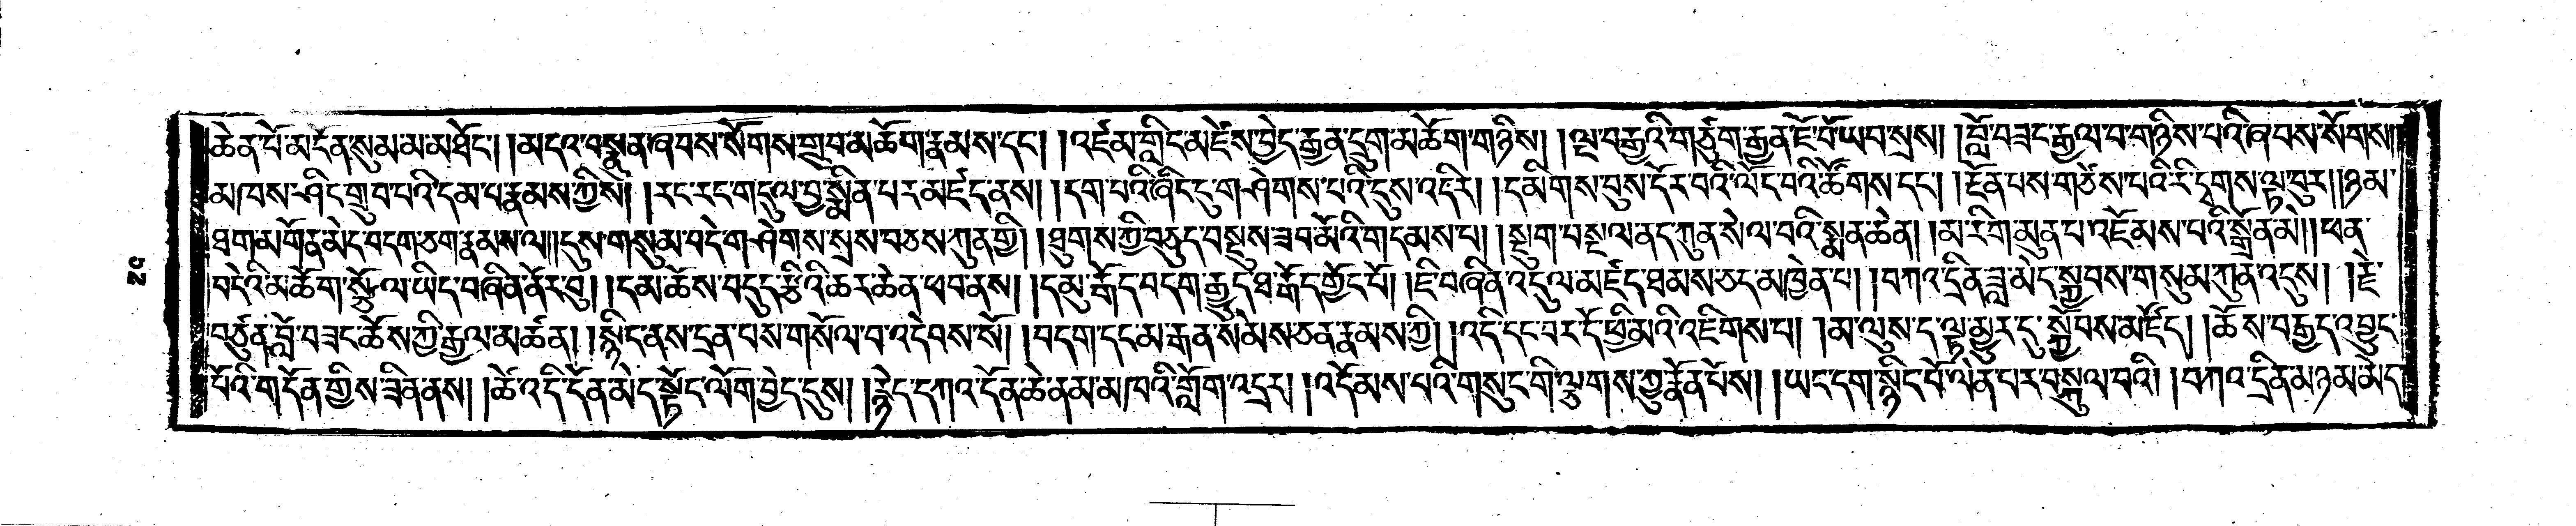ཆེན་པོ་མངོན་སུམ་མ་མཐོང་། །མདའ་བསྣུན་ཞབས་སོགས་གྲུབ་མཆོག་རྣམས་དང་། །འཛམ་གླིང་མཛེས་བྱེད་རྒྱན་དྲུག་མཆོག་གཉིས། །ལྔ་བརྒྱའི་གཙུག་རྒྱན་ཇོ་བོ་ཡབ་སྲས། །བློ་བཟང་རྒྱལ་བ་གཉིས་པའི་ཞབས་སོགས། །
མཁས་ཤིང་གྲུབ་པའི་དམ་པ་རྣམས་ཀྱིས། །རང་རང་གདུལ་བྱ་སྨིན་པར་མཛད་ནས། །དག་པའི་ཞིང་དུ་གཤེགས་པའི་དུས་འདིར། །དམིགས་བུས་དོར་བའི་ལོང་བའི་ཚོགས་དང་། །རྔོན་པས་གཙས་པའི་རི་དྭགས་ལྟ་བུར། །ཉམ་
ཐག་མགོན་མེད་བདག་ཅག་རྣམས་ལ། །དུས་གསུམ་བདེ་གཤེགས་སྲས་བཅས་ཀུན་གྱི། །ཐུགས་ཀྱི་བཅུད་བསྡུས་ཟབ་མོའི་གདམས་པ། །སྡུག་བསྔལ་ནད་ཀུན་སེལ་བའི་སྨན་ཆེན། །མ་རིག་མུན་པ་འཇོམས་པའི་སྒྲོན་མེ། །ཕན་
བདེའི་མཆོག་སྩོལ་ཡིད་བཞིན་ནོར་བུ། །དམ་ཆོས་བདུད་རྩིའི་ཆར་ཆེན་ཕབ་ནས། །དམུ་རྒོད་བདག་རྒྱུད་ཐ་རྒོད་གྱོང་པོ། །ཇི་བཞིན་འདུལ་མཛད་ཐམས་ཅད་མཁྱེན་པ། །བཀའ་དྲིན་ཟླ་མེད་སྐྱབས་གསུམ་ཀུན་འདུས། །རྗེ་
བཙུན་བློ་བཟང་ཆོས་ཀྱི་རྒྱལ་མཚན། །སྙིང་ནས་དྲན་པས་གསོལ་བ་འདེབས་སོ། །བདག་དང་མ་རྒན་སེམས་ཅན་རྣམས་ཀྱི། །འདི་དང་བར་དོ་ཕྱི་མའི་འཇིགས་པ། །མ་ལུས་ད་ལྟ་མྱུར་དུ་སྐྱོབས་མཛོད། །ཆོས་བརྒྱད་འབྱུང་
པོའི་གདོན་གྱིས་ཟིན་ནས། །ཚེ་འདི་དོན་མེད་སྟོང་ལོག་བྱེད་དུས། །རྙེད་དཀའ་དོན་ཆེ་ནམ་མཁའི་གློག་འདྲར། །འདོམས་པའི་གསུང་གི་ལྕགས་ཀྱུ་རྣོན་པོས། །ཡང་དག་སྙིང་པོ་ལེན་པར་བསྐུལ་བའི། །བཀའ་དྲིན་མཉམ་མེད་